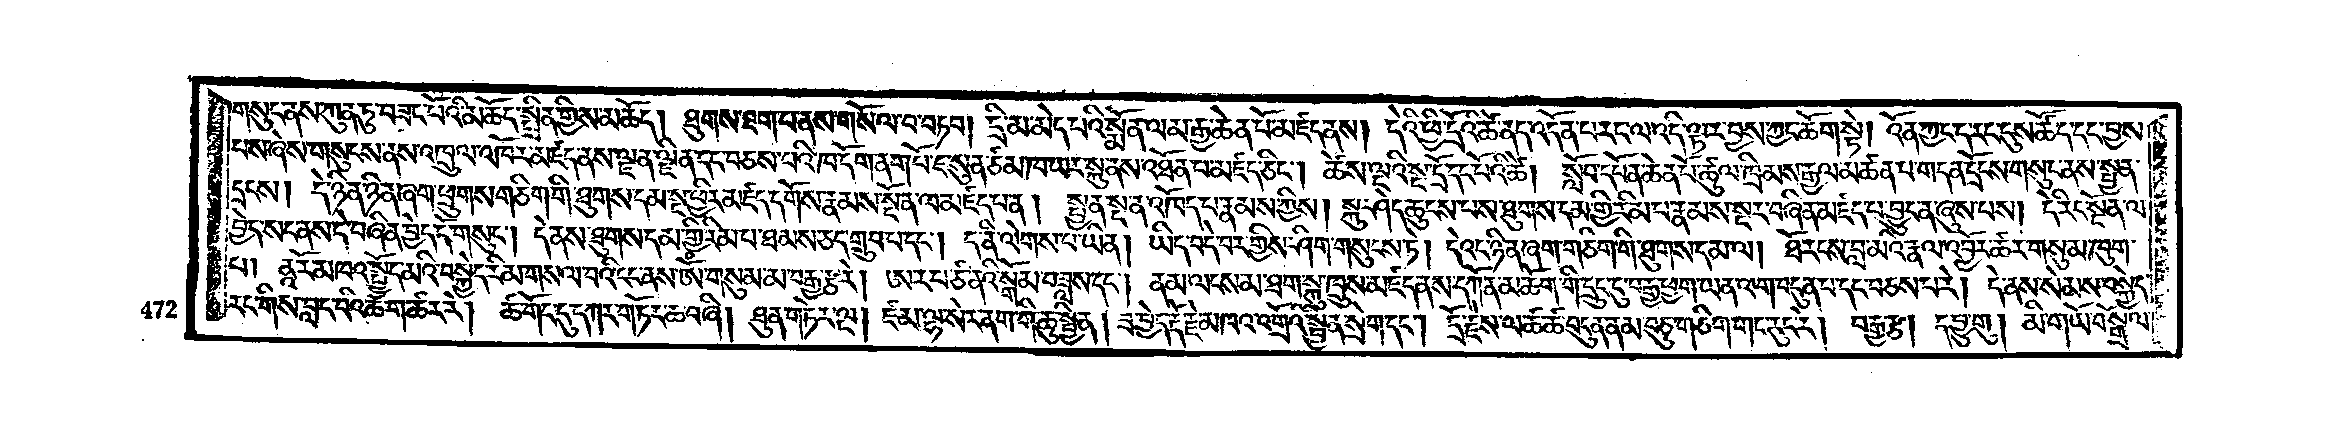གསུང་ནས་ཀུན་ཏུ་བཟང་པོའི་མཆོད་སྤྲིན་གྱིས་མཆོད། ཐུགས་ཐག་པ་ནས་གསོལ་བ་བཏབ། དྲི་མ་མེད་པའི་སྨོན་ལམ་རྒྱ་ཆེན་པོ་མཛད་ནས། དེའི་ཕྱི་དྲོའི་ཚེ་ནད་འདོན་པ་རང་ལ་འདི་ལྟར་བྱས་ཀྱང་ཆོག་སྟེ། འོན་ཀྱང་ད་རང་དུས་ཚོད་དང་བྱས་
པས་ཞེས་གསུངས་ནས་འཁྲུལ་འཁོར་མཛད་ནས་ལྗན་ལྗིན་དང་བཅས་པའི་ཁ་དོག་ནག་པོ་ཇ་སུན་ཙམ་ཁ་ཡར་སྐུ་ནས་འཐོན་པ་མཛད་ཅིང་། ཚེས་ལྔའི་སྔ་དྲོ་དང་པོའི་ཚེ། སློབ་དཔོན་ཆེན་པོ་ཚུལ་ཁྲིམས་རྒྱལ་མཚན་པ་གདན་དྲོངས་གསུང་ནས་སྤྱན་
དྲངས། དེ་ཉིན་ཉིན་ཞག་ཕྲུགས་གཅིག་གི་ཐུགས་དམ་སྔ་ཕྱིར་མཛད་དགོས་རྣམས་སྔོན་ལ་མཛད་པ་ན། སྤྱན་སྔ་ན་འཁོད་པ་རྣམས་ཀྱིས། སྐུ་ཤེད་ཆུངས་པས་ཐུགས་དམ་གྱི་རིམ་པ་རྣམས་སྔར་བཞིན་མཛད་པ་བྱུང་ན་ཞུས་པས། དེ་རིང་སྔོན་ལ་
བྱེད་སང་ནས་དེ་བཞིན་བྱེད་དོ་གསུང་། དེ་ནས་ཐུགས་དམ་གྱི་རིམ་པ་ཐམས་ཅད་གྲུབ་པ་དང་། ད་ནི་ལེགས་པ་ཡིན། ཡིད་བདེ་བར་གྱིས་ཤིག་གསུངས་ཏེ། དེའང་ཉིན་ཞག་གཅིག་གི་ཐུགས་དམ་ལ། ཐོ་རངས་བླ་མའི་རྣལ་འབྱོར་ཚར་གསུམ་ཁུག་
པ། ནཱ་རོ་མཁའ་སྤྱོད་མའི་བསྐྱེད་རིམ་གསལ་བའི་ངང་ནས་ཨོཾ་གསུམ་མ་བརྒྱ་རྩ་རེ། ཨ་ར་པ་ཙ་ནའི་སྒོམ་བཟླས་དང་། ནམ་ལངས་མ་ཐག་སྐུ་ཁྲུས་མཛད་ནས་དཀོན་མཆོག་གི་དྲུང་དུ་བརྒྱ་ཕྱག་ཡན་ལག་བདུན་པ་དང་བཅས་པ་རེ། དེ་ནས་སེམས་བསྐྱེད་
རང་གིས་བླང་བའི་ཆོ་ག་ཆེར་རེ། ཚ་གོང་དུ་དཀར་གཏོར་ཆ་བཞི། ཐུན་གཏེར་ལྔ། ཛམ་ལྷ་སེར་ནག་གི་ཆུ་སྦྱིན། ཟ་བྱེད་རྡོ་རྗེ་མཁའ་འགྲོའི་སྦྱིན་སྲེག་དང་། དྲོ་རྗེས་ལ་ཚ་ཚ་བདུན་ནམ་བཅུ་གཅིག་གང་རུང་རེ། བརྒྱ་རྩ། དབྱུ་གུ། མི་གཡོ་བ་སྒྲོལ་